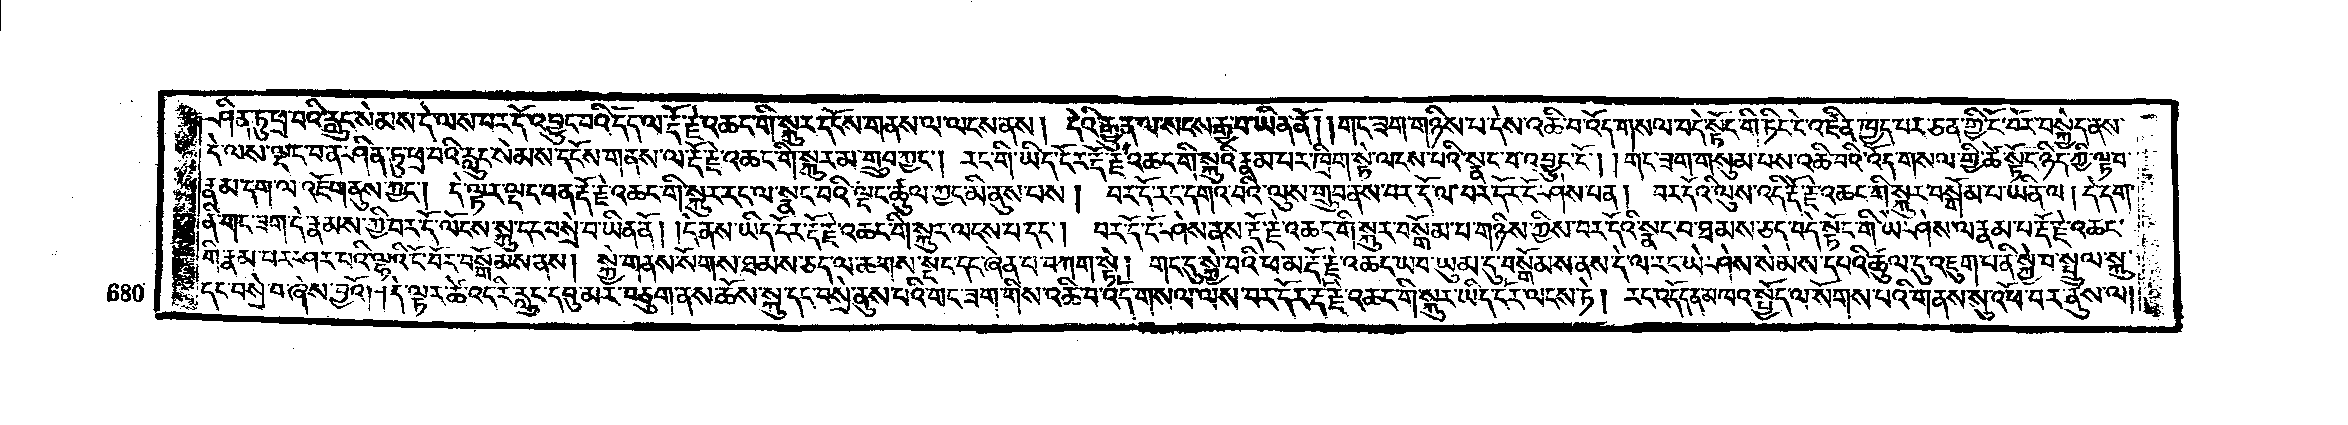ཤིན་ཏུ་ཕྲ་བའི་རླུང་སེམས་དེ་ལས་བར་དོ་འབྱུང་བའི་དོད་ལ་རྡོ་རྗེ་འཆང་གི་སྐུར་དངོས་གནས་ལ་ལངས་ནས། དེའི་རྒྱུན་ལ་སངས་རྒྱ་བ་ཡིན་ནོ། །གང་ཟག་གཉིས་པ་དེས་འཆི་བ་འོད་གསལ་བདེ་སྟོང་གི་ཏིང་ངེ་འཛིན་ཁྱད་པར་ཅན་གྱི་ངོ་བོར་བསྐྱེད་ནས།
དེ་ལས་ལྡང་བ་ན་ཤིན་ཏུ་ཕྲ་བའི་རླུང་སེམས་དངོས་གནས་ལ་རྡོ་རྗེ་འཆང་གི་སྐུར་མ་གྲུབ་ཀྱང་། རང་གི་ཡིད་ངོར་རྡོ་རྗེ་འཆང་གི་སྐུའི་རྣམ་པར་ཁྲིག་སྟེ་ལངས་པའི་སྣང་བ་འབྱུང་ངོ། །གང་ཟག་གསུམ་པས་འཆི་བའི་འོད་གསལ་གྱི་ཚེ་སྟོང་ཉིད་ཀྱི་ལྟ་བ་
རྣམ་དག་ལ་འཇོག་ནུས་ཀྱང་། དེ་ལྟར་ལྡང་བ་ན་རྡོ་རྗེ་འཆང་གི་སྐུར་རང་ལ་སྣང་བའི་ལྡང་ཚུལ་ཀྱང་མི་ནུས་པས། བར་དོ་རང་དགའ་བའི་ལུས་གྲུབ་ནས་བར་དོ་ལ་བར་དོར་ངོ་ཤེས་པ་ན། བར་དོའི་ལུས་འདི་རྡོ་རྗེ་འཆང་གི་སྐུར་བསྒོམ་པ་ཡིན་ལ། དེ་དག་
ནི་གང་ཟག་དེ་རྣམས་ཀྱི་བར་དོ་ལོངས་སྐུ་དང་བསྲེ་བ་ཡིན་ནོ། །དེ་ནས་ཡིད་ངོར་རྡོ་རྗེ་འཆང་གི་སྐུར་ལངས་པ་དང་། བར་དོ་ངོ་ཤེས་ནས་རྡོ་རྗེ་འཆང་གི་སྐུར་བསྒོམ་པ་གཉིས་ཀྱིས་བར་དོའི་སྣང་བ་ཐམས་ཅད་བདེ་སྟོང་གི་ཡེ་ཤེས་ལ་རྣམ་པ་རྡོ་རྗེ་འཆང་
གི་རྣམ་པར་ཤར་བའི་ལྷའི་ངོ་བོར་བསྒོམས་ནས། སྐྱེ་གནས་སོགས་ཐམས་ཅད་ལ་ཆགས་སྡང་དང་ཞེན་པ་བཀག་སྟེ། གང་དུ་སྐྱེ་བའི་ཕ་མ་རྡོ་རྗེ་འཆང་ཡབ་ཡུམ་དུ་བསྒོམས་ནས་དེ་ལ་རང་ཡེ་ཤེས་སེམས་དཔའི་ཚུལ་དུ་འཇུག་པ་ནི་སྐྱེ་བ་སྤྲུལ་སྐུ་
དང་བསྲེ་བ་ཞེས་བྱའོ། །དེ་ལྟར་ཚེ་འདིར་རླུང་དབུ་མར་བཅུག་ནས་ཆོས་སྐུ་དང་བསྲེ་ནུས་པའི་གང་ཟག་གིས་འཆི་བ་འོད་གསལ་ལས་བར་དོར་རྡོ་རྗེ་འཆང་གི་སྐུར་ཡིད་ངོར་ལངས་ཏེ། རང་འདོད་ན་མཁའ་སྤྱོད་ལ་སོགས་པའི་གནས་སུ་འཕོ་བར་ནུས་ལ།